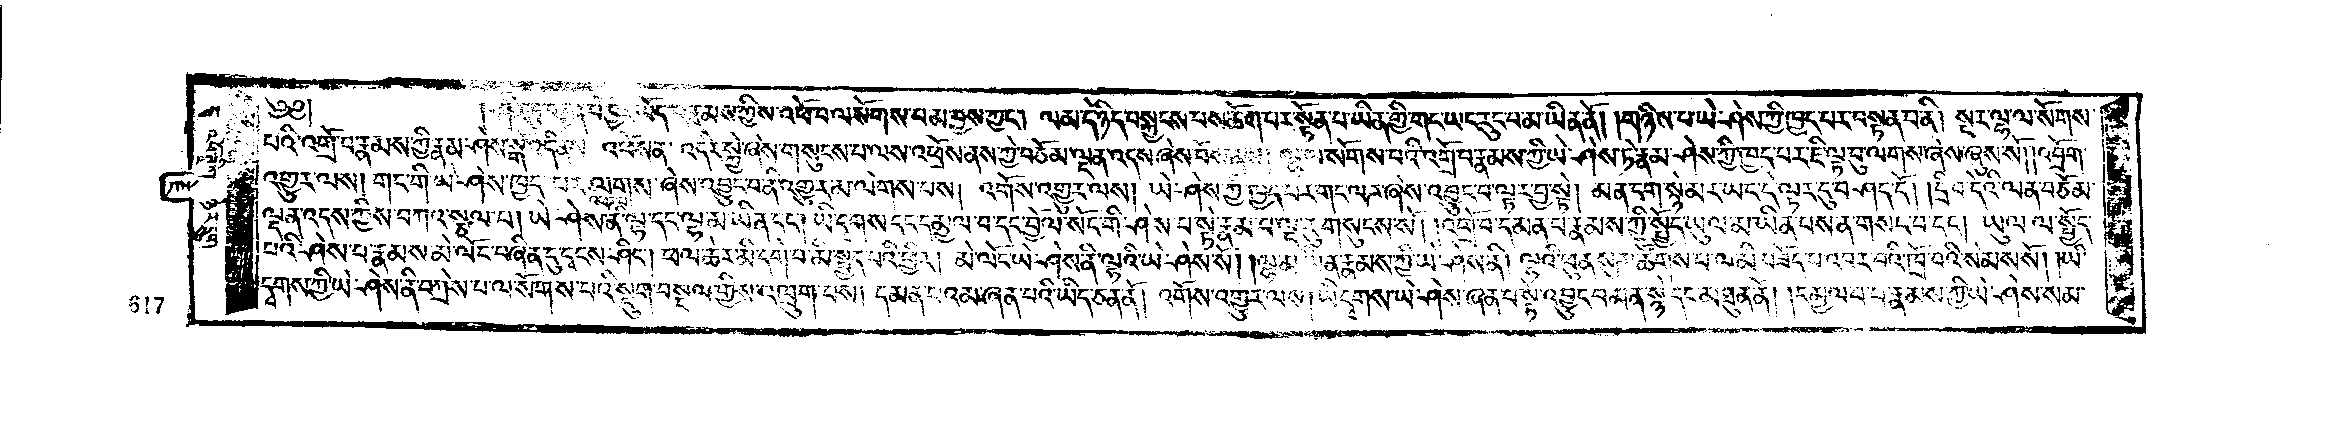༄༅། །ཤིན་ཏུ་བརྟན་པོ་བྱར་ཡོད་པ་རྣམས་ཀྱིས་འཕོ་བ་ལ་སོགས་པ་མ་བྱས་ཀྱང་། ལམ་དེ་ཉིད་བསྐྱངས་པས་ཆོག་པར་སྟོན་པ་ཡིན་གྱི་གང་ཡང་རུང་བ་མ་ཡིན་ནོ། །གཉིས་པ་ཡེ་ཤེས་ཀྱི་ཁྱད་པར་བསྟན་པ་ནི། སྔར་ལྷ་ལ་སོགས་
པའི་འགྲོ་བ་རྣམས་ཀྱི་རྣམ་ཤེས་སྒོ་འདི་ནས་འཕོས་ན་འདིར་སྐྱེ་ཞེས་གསུངས་པ་ལས་འཕྲོས་ནས་ཀྱེ་བཅོམ་ལྡན་འདས་ཞེས་བོས་ནས། ལྷ་ལ་སོགས་པའི་འགྲོ་བ་རྣམས་ཀྱི་ཡེ་ཤེས་ཏེ་རྣམ་ཤེས་ཀྱི་ཁྱད་པར་ཇི་ལྟ་བུ་ལགས་ཞེས་ཞུས་སོ། །འབྲོག་
འགྱུར་ལས། གང་གི་ཡེ་ཤེས་ཁྱད་པར་འཕགས་པ་ལགས་ཞེས་འབྱུང་བ་ནི་འགྱུར་མ་ལེགས་པས། འགོས་འགྱུར་ལས། ཡེ་ཤེས་ཀྱི་ཁྱད་པར་གང་ལགས་ཞེས་འབྱུང་བ་ལྟར་བྱ་སྟེ། མན་ངག་སྙེ་མར་ཡང་དེ་ལྟར་དུ་བཤད་དོ། །དྲི་བ་དེའི་ལན་བཅོམ་
ལྡན་འདས་ཀྱིས་བཀའ་སྩལ་པ། ཡེ་ཤེས་ནི་ལྷ་དང་ལྷ་མ་ཡིན་དང་། ཡི་དྭགས་དང་དམྱལ་བ་དང་བྱོལ་སོང་གི་ཤེས་པ་སྟེ་རྣམ་པ་ལྔ་རུ་གསུངས་སོ། །འགྲོ་བ་དམན་པ་རྣམས་ཀྱི་སྤྱོད་ཡུལ་མ་ཡིན་པས་ན་གསང་བ་དང་། ཡུལ་ལ་སྤྱོད་
པའི་ཤེས་པ་རྣམས་མེ་ལོང་བཞིན་དུ་དྭངས་ཤིང་། ཕལ་ཆེར་མི་དགེ་བ་མི་སྤྱད་པའི་ཕྱིར། མེ་ལོང་ཡེ་ཤེས་ནི་ལྷའི་ཡེ་ཤེས་སོ། །ལྷ་མ་ཡིན་རྣམས་ཀྱི་ཡེ་ཤེས་ནི། ལྷའི་ཕུན་སུམ་ཚོགས་པ་ལ་མི་བཟོད་པ་འབར་བའི་ཁྲོ་བའི་སེམས་སོ། །ཡི་
དྭགས་ཀྱི་ཡེ་ཤེས་ནི་བཀྲེས་པ་ལ་སོགས་པའི་སྡུག་བསྔལ་གྱིས་འཁྲུག་པས། དམན་པའམ་ཞན་པའི་ཡིད་ཅན་ནོ། འགོས་འགྱུར་ལས། ཡི་དྭགས་ཡེ་ཤེས་ཞན་པ་སྟེ་འབྱུང་བ་མན་སྙེ་དང་མཐུན་ནོ། །དམྱལ་བ་པ་རྣམས་ཀྱི་ཡེ་ཤེས་སམ་